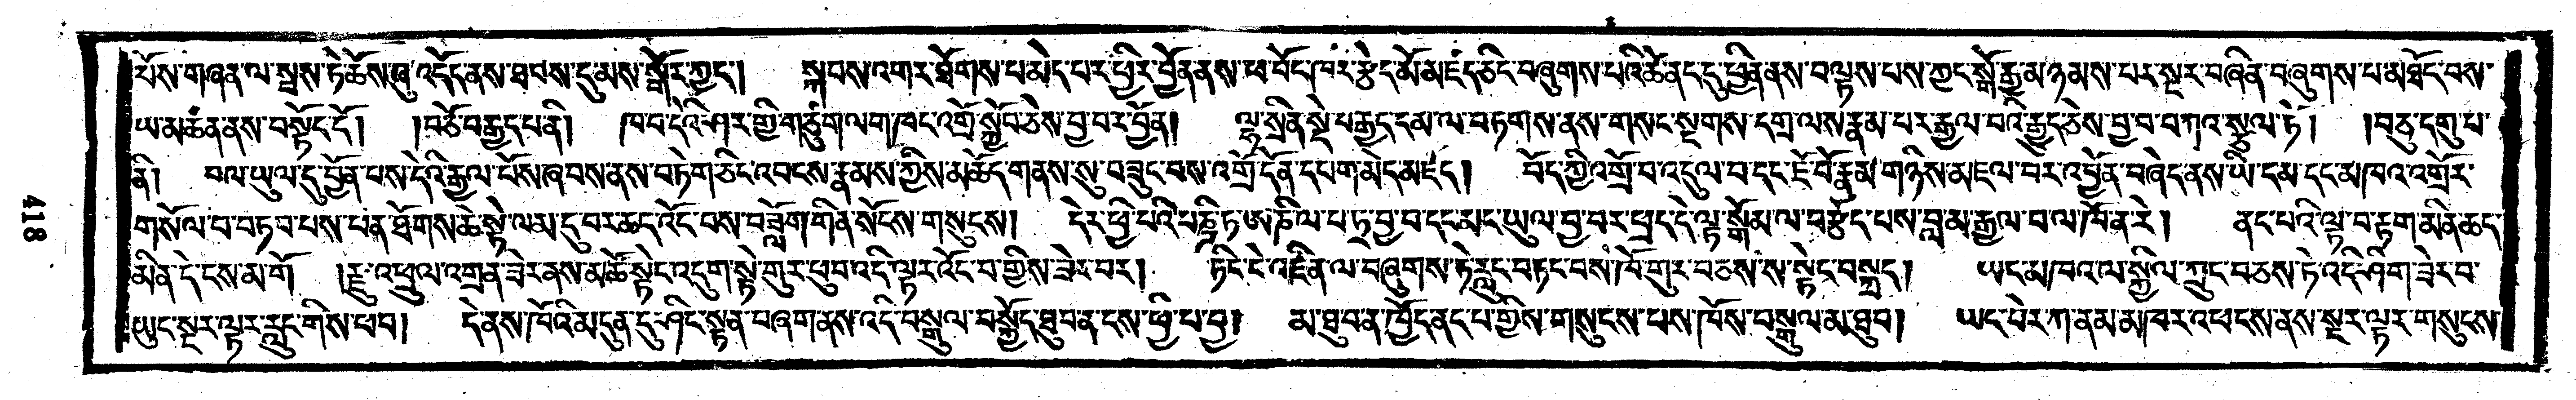པོས་གཞན་ལ་སྦས་ཏེ་ཆོས་ཞུ་འདོད་ནས་ཐབས་དུ་མས་སྒོར་ཀྱང་། སྐབས་འགར་ཐོགས་པ་མེད་པར་ཕྱིར་བྱོན་ནས་ཕ་བོང་ཁར་རྩེད་མོ་མཛད་ཅིང་བཞུགས་པའི་ཚེ་ནང་དུ་ཕྱིན་ནས་བལྟས་པས་ཀྱང་སྒོ་རྒྱ་མ་ཉམས་པར་སྔར་བཞིན་བཞུགས་པ་མཐོང་བས་
ཡ་མཚན་ནས་བསྟོད་དོ། །བཅོ་བརྒྱད་པ་ནི། ཁ་བ་དེའི་ཤར་གྱི་གཙུག་ལག་ཁང་འགྲོ་སྐྱོབ་ཅེས་བྱ་བར་བྱོན། ལྷ་སྲིན་སྡེ་བརྒྱད་དམ་ལ་བཏགས་ནས་གསང་སྔགས་དགྲ་ལས་རྣམ་པར་རྒྱལ་བའི་རྒྱུད་ཅེས་བྱ་བ་བཀའ་སྩལ་ཏོ། །བཅུ་དགུ་པ་
ནི། བལ་ཡུལ་དུ་བྱོན་པས་དེའི་རྒྱལ་པོས་ཞབས་ནས་བཏེག་ཅིང་འབངས་རྣམས་ཀྱིས་མཆོད་གནས་སུ་བཟུང་བས་འགྲོ་དོན་དཔག་མེད་མཛད། བོད་ཀྱི་འགྲོ་བ་འདུལ་བ་དང་ཇོ་བོ་རྣམ་གཉིས་མཇལ་བར་འབྱོན་བཞེད་ནས་ཡི་དམ་དང་མཁའ་འགྲོར་
གསོལ་བ་བཏབ་པས་ཕན་ཐོགས་ཆེ་སྟེ་ལམ་དུ་བར་ཆད་འོང་བས་བཟློག་གིན་སོངས་གསུངས། དེར་ཕྱི་བའི་པཎྜི་ཏ་ཨ་ཎི་ལ་པ་ཏྲ་བྱ་བ་དང་མང་ཡུལ་བྱ་བར་ཕྲད་དེ་ལྟ་སྒོམ་ལ་བརྩོད་པས་བླ་མ་རྒྱལ་བ་ལ་ཁོ་ན་རེ། ནང་པའི་ལྟ་བ་རྟག་མིན་ཆད་
མིན་དེ་ངས་མ་གོ །རྫུ་འཕྲུལ་འགྲན་ཟེར་ནས་མཚོ་སྟེང་འདུག་སྟེ་གུར་ཕུབ་འདི་ལྟར་འོང་བ་གྱིས་ཟེར་བར། ཏིང་ངེ་འཛིན་ལ་བཞུགས་ཏེ་རླུང་བཏང་བས་ཁོ་གུར་བཅས་ས་སྟེང་བསྐྲད། ཡང་མཁའ་ལ་སྐྱིལ་ཀྲུང་བཅས་ཏེ་འདི་ཤིག་ཟེར་བ་
ཡུང་སྔར་ལྟར་རླུང་གིས་ཕབ། དེ་ནས་ཁོའི་མདུན་དུ་ཤིང་སྟན་བཞག་ནས་འདི་བསྒུལ་བསྐྱོད་ཐུབ་ན་ངས་ཕྱི་པ་བྱ། མ་ཐུ་བ་ན་ཁྱོད་ནང་པ་གྱིས་གསུངས་པས་ཁོས་བསྒུལ་མ་ཐུབ། ཡང་བེར་ཀ་ནམ་མཁར་འཕངས་ནས་སྔར་ལྟར་གསུངས་